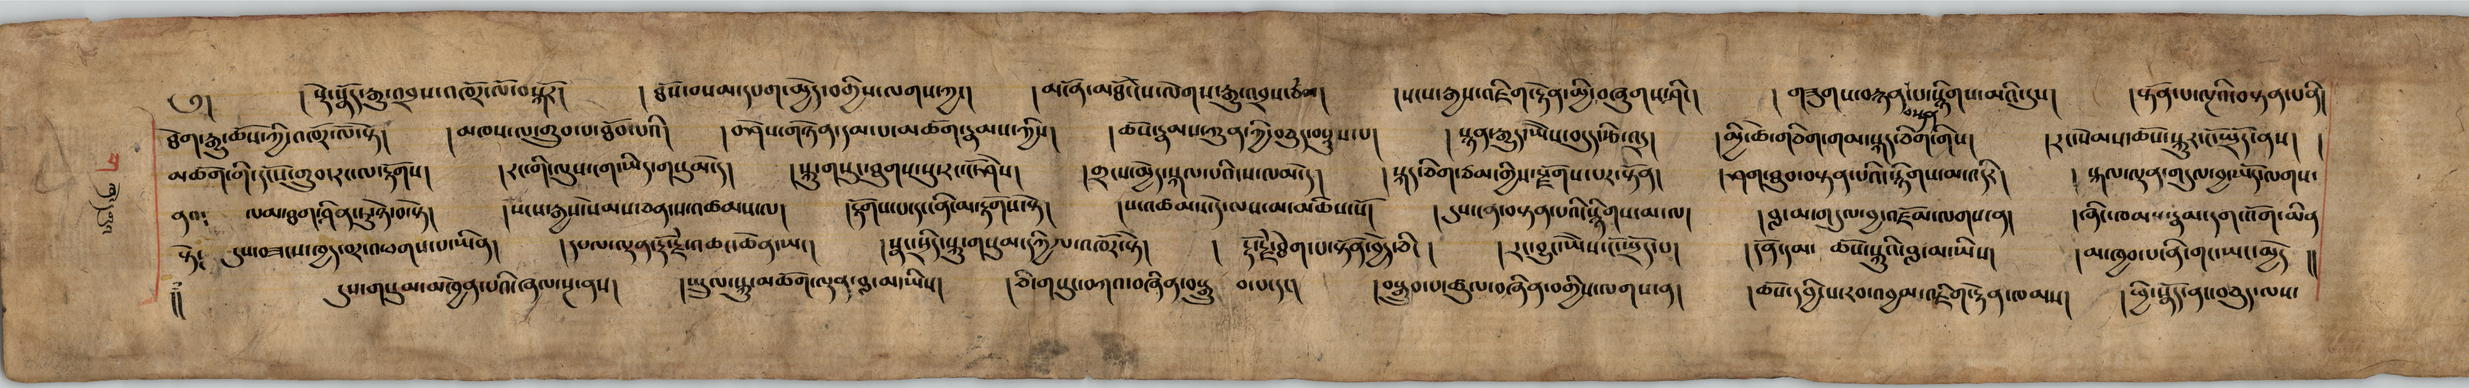༅། །སྡེ་སྣོད་རྒྱུ་འབྲས་འཁོར་ལོ་བསྐོར། །ཐོས་བསམ་དཔག་མྱེད་བགྱིས་ལགས་ཀྱང། །མངོན་མཐོ་ངེས་ལེགས་རྒྱུ་འབྲས་ཙམ། །སངས་རྒྱས་འཇིག་རྟེན་མྱི་བཞུགས་ཤིང། །གཟུགས་བརྙན་པ་སྙིགས་མའི་དུས། །སྟོན་པ་ལྔའི་བསྟན་པ་ནི།
ཐེག་རྒྱུ་ཆོས་ཀྱི་འཁོར་ལོ་སྟེ། །མཁས་ལ་གྲུབ་པ་ཐོབ་པའི། །བཤེས་གཉེན་དམ་པ་མཆོག་རྣམས་ཀྱིས། །ཆོས་རྣམས་ཀུན་ཀྱི་བཅུད་བསྡུས་པ། །སྙན་རྒྱུད་ཡཻས་བདུད་རྩི་འདྲ། །མྱི་ཚེ་གཅིག་གམ་སྐད་ཅིག་གིས། །རང་སེམས་ཆོས་སྐུར་ངོ་སྤྲོད་ནས། །
མཆོག་གི་དངོས་གྲུབ་རང་ལ་རྟོགས། །རང་གི་ལུས་ངག་ཡིད་གསུམ་དེ། །སྐུ་གསུང་ཐུགས་སུ་རང་ངོ་ཤེས། །གྲངས་མྱེད་སྐལ་པའི་ས་ལམ་དེ། །སྐད་ཅིག་ཙམ་གྱིས་སྫོགས་པར་སྟོན། །ཤག་ཐུབ་བསྟན་པའི་སྙིགས་མ་འདིར། ། སྐལ་ལྡན་གདུལ་བྱ་ཡོད་ལགས་
ནའ༴ ལམ་ཐག་ཤིན་ཏུ་ཉེ་བ་སྟེ། །སངས་རྒྱས་སེམས་ཅན་ས་འཚམས་ལ། །རྟོགས་པ་དང་ནི་མ་རྟོགས་སྟེ། །ས་འཚམས་དེ་ལས་མ་མཆིས་སོ། །དུས་ངན་བསྟན་པའི་སྙིགས་མ་ལ། །བླ་མ་གདུལ་བྱ་འཛོམ་ལགས་ན། །ཞིང་ཁམས་རྣམ་དག་འོག་མིན་
སྟེ༴ དུས་བཟངས་ཁྱད་པར་འཕགས་པ་ཡིན། །དཔལ་ལྡན་རྡོ་རྗེ་འཆང་ཆེན་ཡང། །སྣང་སྲིད་སྐུ་གསུམ་དཀྱིལ་འཁོར་སྟེ། ། རྡོ་རྗེ་ཐེག་པ་སྟོན་བྱེད་ཅིང། །རང་བྱུང་ཡཻས་ངོ་སྤྲོད་པ། །དོན་དམ་ཆོས་སྐུའི་བླ་མ་ཡིས། །མ་ཁྱབ་པ་ནི་གང་ཡང་མྱེད །།
དུས་གསུམ་མཁྱེན་པའི་ཞལ་སྔ་ནས། །སྤྲུལ་སྐུ་མཆོག་ལྡན་བླ་མ་ཡིས། །ཅི་གསུང་བཀའ་བཞིན་བསྒྲུ བ་པ་དང། །སྒྲུབ་པ་ཚུལ་བཞིན་བགྱིས་ལགས་ན། །ཆོས་དབྱིངས་རབ་འབྱམ་འཇིག་རྟེན་ཁམས། །ཕྱི་སྣོད་ནང་བཅུད་ལས་